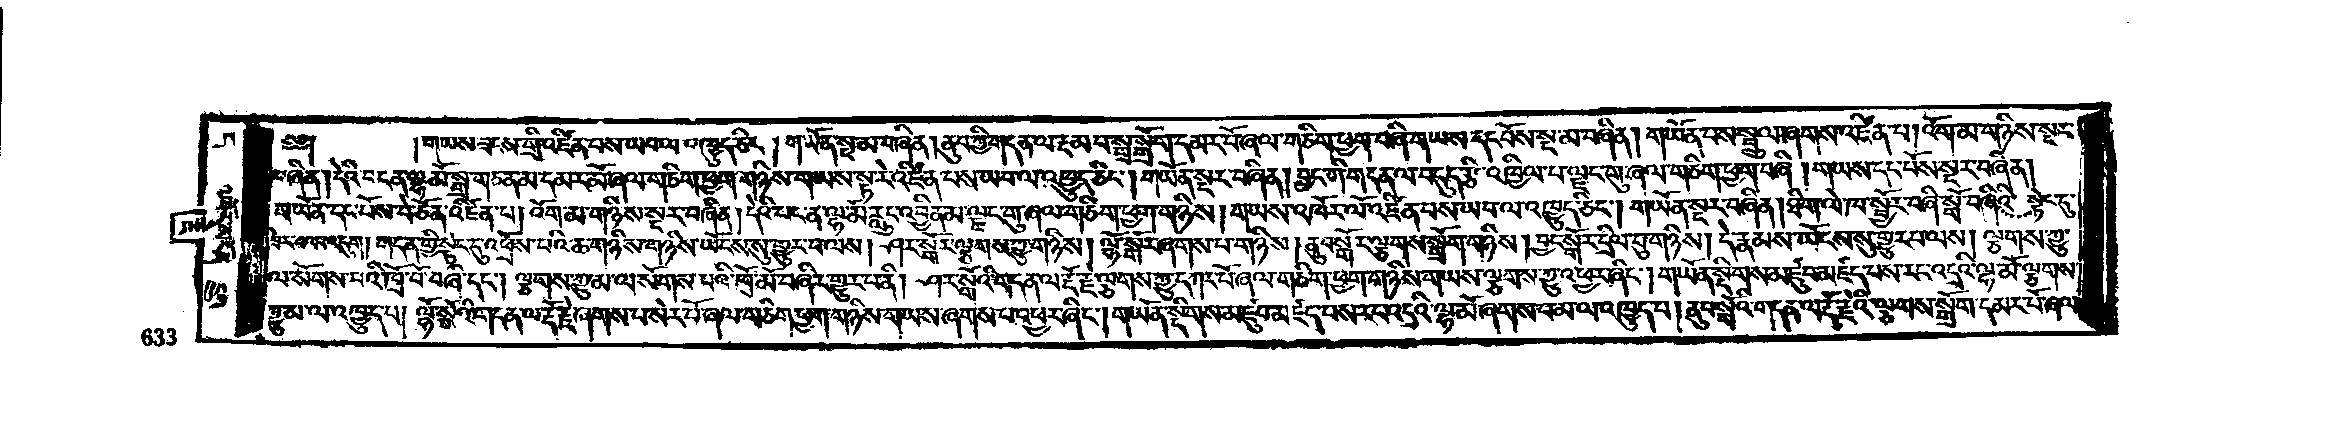༄༅། །གཡས་ཟངས་གྲི་འཛིན་པས་ཡབ་ལ་འཁྱུད་ཅིང་། གཡོན་སྔ་མ་བཞིན། ནུབ་ཀྱི་གདན་ལ་རྔམ་པ་སྒྲ་སྒྲོག་དམར་པོ་ཞལ་གཅིག་ཕྱག་བཞི་གཡས་དང་པོས་སྔ་མ་བཞིན། གཡོན་པས་སྦྲུལ་ཞག་འཛིན་པ། འོག་མ་གཉིས་སྔར་
བཞིན། དེའི་བདན་ལྷ་མོ་སྒྲ་གཅན་མ་དམར་པོ་ཞལ་གཅིག་ཕྱག་གཉིས་གཡས་སྟ་རེ་འཛིན་པས་ཡབ་ལ་འཁྱུད་ཅིང་། གཡོན་སྔར་བཞིན། བྱང་གི་གདན་ལ་བདུད་རྩི་འཁྱིལ་པ་ལྗང་གུ་ཞལ་གཅིག་ཕྱག་བཞི། གཡས་དང་པོས་སྔར་བཞིན།
གཡོན་དང་པོས་བེ་ཅོན་འཛིན་པ། འོག་མ་གཉིས་སྔར་བཞིན། དེའི་པང་ན་ལྷ་མོ་རླུང་འབྱིན་མ་ལྗང་གུ་ཞལ་གཅིག་ཕྱག་གཉིས། གཡས་འཁོར་ལོ་འཛིན་པས་ཡབ་ལ་འཁྱུད་ཅིང་། གཡོན་སྔར་བཞིན། ཐིག་ལེ་ཁ་སྦྱོར་བཞི་སྒོ་བཞིའི་སྟེང་དུ་
ཟེར་བའང་འདུག །གདན་གྱི་སྟེང་དུ་འཕྲོས་པའི་ཆ་གཉིས་གཉིས་ཡོངས་སུ་གྱུར་བ་ལས། ཤར་སྒོར་ལྕགས་ཀྱུ་གཉིས། ལྷོ་སྒོར་ཞགས་པ་གཉིས། ནུབ་སྒོར་ལྕགས་སྒྲོག་གཉིས། བྱང་སྒོར་དྲིལ་བུ་གཉིས། དེ་རྣམས་ཡོངས་སུ་གྱུར་པ་ལས། ལྕགས་ཀྱུ་
ལ་སོགས་པའི་ཁྲོ་བོ་བཞི་དང་། ལྕགས་ཀྱུ་མ་ལ་སོགས་པའི་ཁྲོ་མོ་བཞིར་གྱུར་པ་ནི། ཤར་སྒོའི་གདན་ལ་རྡོ་རྗེ་ལྕགས་ཀྱུ་དཀར་པོ་ཞལ་གཅིག་ཕྱག་གཉིས་གཡས་ལྕགས་ཀྱུ་འཕྱར་ཞིང་། གཡོན་སྡིགས་མཛུབ་མཛད་པས་རང་འདྲའི་ལྷ་མོ་ལྕགས་
ཀྱུ་མ་ལ་འཁྱུད་པ། ལྷོ་སྒོའི་གདན་ལ་རྡོ་རྗེ་ཞགས་པ་སེར་པོ་ཞལ་གཅིག་ཕྱག་གཉིས་གཡས་ཞགས་པ་འཕྱར་ཞིང་། གཡོན་སྡིགས་མཛུབ་མཛད་པས་རང་འདྲའི་ལྷ་མོ་ཞགས་པ་མ་ལ་འཁྱུད་པ། ནུབ་སྒོའི་གདན་ལ་རྡོ་རྗེའི་ལྕགས་སྒྲོག་དམར་པོ་ཞལ་